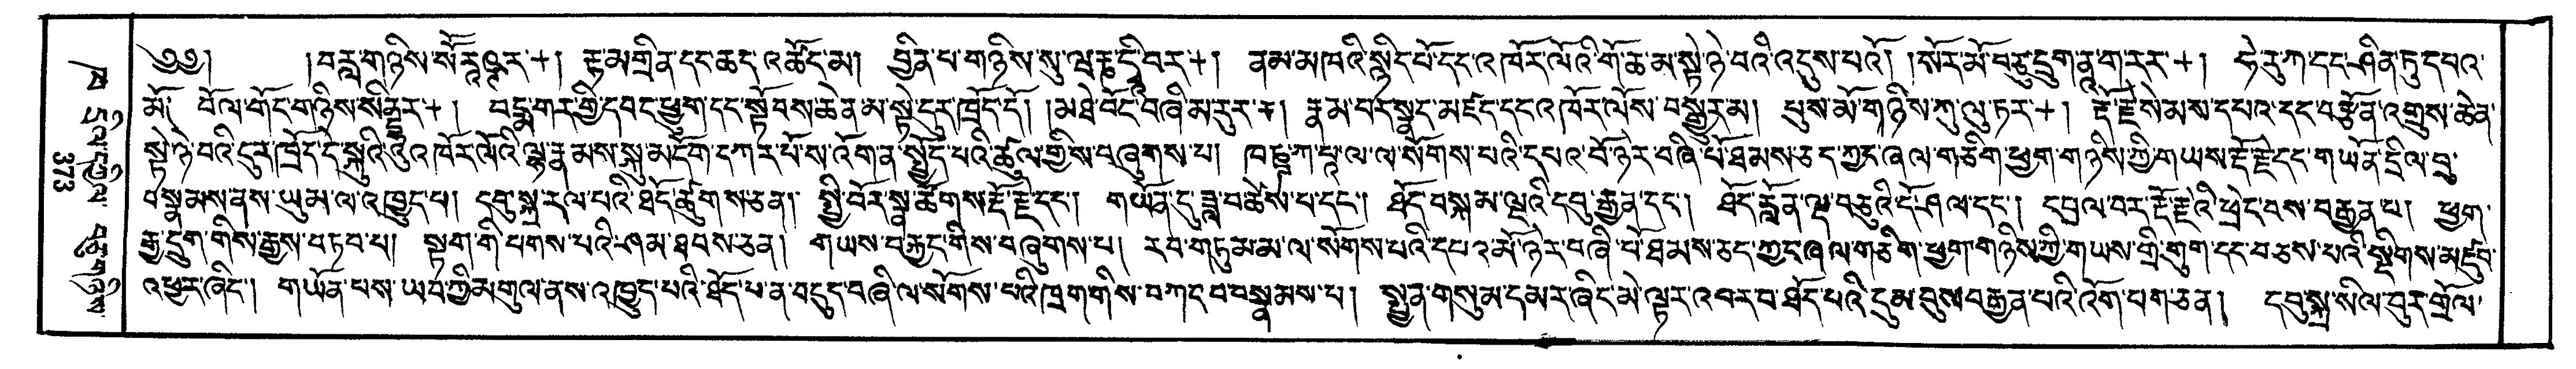༄༅། །བརླ་གཉིས་སཽ་རཱ་ཥྚ་ར་+། རྟ་མགྲིན་དང་ཆང་འཚོད་མ། བྱིན་པ་གཉིས་སུ་ཝརྞ་དྭཱི་པར་+། ནམ་མཁའི་སྙིང་པོ་དང་འཁོར་ལོའི་གོ་ཆ་མ་སྟེ་ཉེ་བའི་འདུས་པའོ། །སོར་མོ་བཅུ་དྲུག་ནཱ་ག་རར་+། ཧེ་རུ་ཀ་དང་ཤིན་ཏུ་དཔའ་
མོ༑ བོལ་གོང་གཉིས་སིནྡྷར་+། པདམ་གར་གྱི་དབང་ཕྱུག་དང་སྟོབས་ཆེན་མ་སྟེ་དུར་ཁྲོད་དོ། །མཐེ་བོང་བཞི་མ་རུར་+། རྣམ་པར་སྣང་མཛད་དང་འཁོར་ལོས་བསྒྱུར་མ། པུས་མོ་གཉིས་ཀུ་ལུ་ཏར་+། རྡོ་རྗེ་སེམས་དཔའ་དང་བརྩོན་འགྲུས་ཆེན་མོ་
སྟེ་ཉེ་བའི་དུར་ཁྲོད་དེ་སྐུའི་འུ་འཁོར་ལོའི་ལྷ་རྣམས་སྐུ་མདོག་དཀར་བོ་ས་འོག་ན་སྤྱོད་བའི་ཚུལ་གྱིས་བཞུགས་པ། ཁཎྜ་ཀ་པཱ་ལ་ལ་སོགས་པའི་དཔའ་བོ་ཉེར་བཞི་པོ་ཐམས་ཅད་ཀྱང་ཞལ་གཅིག་ཕྱག་གཉིས་ཀྱི་གཡས་རྡོ་རྗེ་དང་གཡོན་དྲིལ་བུ་
བསྣམས་ནས་ཡུམ་ལ་འཁྱུད་པ། དབུ་སྐྲ་རལ་པའི་ཐོར་ཚུགས་ཅན། སྤྱི་བོར་སྣ་ཚོགས་རྡོ་རྗེ་དང་། གཡོན་དུ་ཟླ་བ་ཚེས་བ་དང་། ཐོད་བསྐམ་ལྔའི་དབུ་རྒྱན་དང་། ཐོད་རློན་ལྔ་བཅུའི་དོ་ཤལ་དང་། དཔྲལ་བར་རྡོ་རྗེའི་ཕྲེང་བས་བརྒྱན་པ། ཕྱག་
རྒྱ་དྲུག་གིས་རྒྱས་བཏབ་པ། སྟག་གི་པགས་པའི་ཤམ་ཐབས་ཅན། གཡས་བརྐྱང་གིས་བཞུགས་པ། རབ་གཏུམ་མ་ལ་སོགས་པའི་དཔའ་མོ་ཉེར་བཞི་པོ་ཐམས་ཅད་ཀྱང་ཞལ་གཅིག་ཕྱག་གཉིས་ཀྱི་གཡས་གྲི་གུག་དང་བཅས་པའི་སྡིགས་མཛུབ་
འཕྱར་ཞིང་། གཡོན་པས་ཡབ་ཀྱི་མགུལ་ནས་འཁྱུད་པའི་ཐོད་པན་བདུད་བཞི་ལ་སོགས་པའི་ཁྲག་གིས་བཀང་བ་བསྣམས་པ། སྤྱན་གསུམ་དམར་ཞིང་མེ་ལྟར་འབར་བ་ཐོད་པའི་དུམ་བུས་བརྒྱན་པའི་འོག་པག་ཅན། དབུ་སྐྲ་སིལ་བུར་གྲོལ་